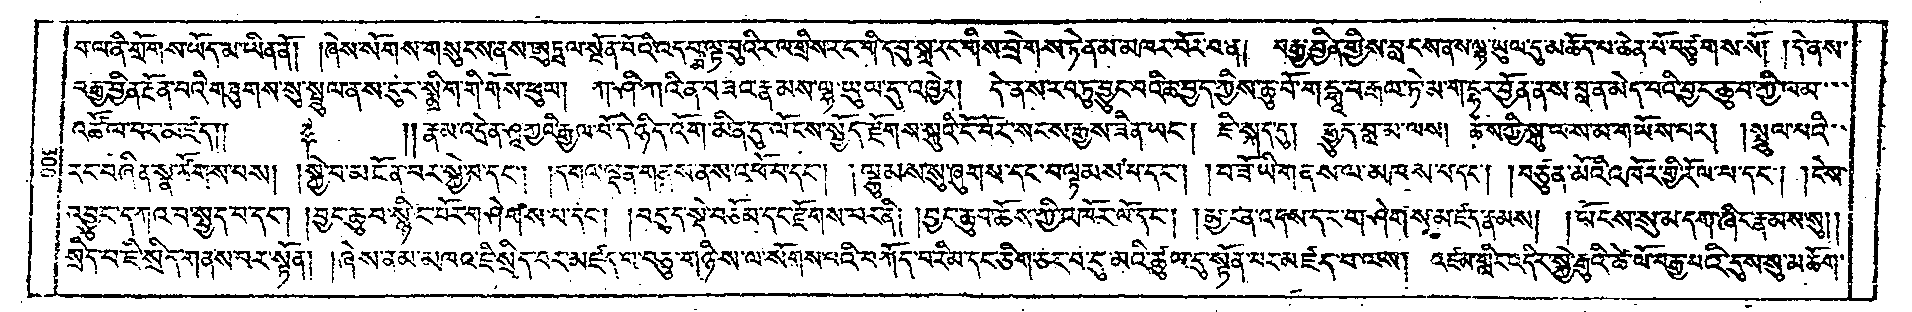བ་ལ་ནི་གྲོགས་ཡོད་མ་ཡིན་ནོ། །ཞེས་སོགས་གསུངས་ནས་ཨུཏྤལ་སྔོན་པོའི་འདབ་མ་ལྟ་བུའི་རལ་གྲིས་རང་གིས་དབུ་སྐྲ་རང་གིས་བྲེགས་ཏེ་ནམ་མཁར་བོར་བ་ན། བརྒྱ་བྱིན་གྱིས་བླངས་ནས་ལྷ་ཡུལ་དུ་མཆོད་པ་ཆེན་པོ་བཙུགས་སོ། །དེ་ནས་
བརྒྱ་བྱིན་རྔོན་པའི་གཟུགས་སུ་སྤྲུལ་ནས་ངུར་སྨྲིག་གི་གོས་ཕུལ། ཀ་ཤི་ཀའི་ན་བཟའ་རྣམས་ལྷ་ཡུལ་དུ་འཁྱེར། དེ་ནས་རབ་ཏུ་བྱུང་བའི་ཆ་བྱད་ཀྱིས་ཆུ་བོ་གངྒཱ་བརྒལ་ཏེ་མ་ག་དྷར་བྱོན་ནས་བླ་ན་མེད་པའི་བྱང་ཆུབ་ཀྱི་ལམ་
འཚོལ་བར་མཛད།། ༈ །།རྣམ་འདྲེན་ཤཱཀྱའི་རྒྱལ་པོ་དེ་ཉིད་འོག་མིན་དུ་ལོངས་སྤྱོད་རྫོགས་སྐུའི་ངོ་བོར་སངས་རྒྱས་ཟིན་ཡང་། ཇི་སྐད་དུ། རྒྱུད་བླ་མ་ལས། ཆོས་ཀྱི་སྐུ་ལས་མ་གཡོས་པར། །སྤྲུལ་པའི་
རང་བཞིན་སྣ་ཚོགས་པས། །སྐྱེ་བ་མངོན་པར་སྐྱེ་བ་དང་། །དགའ་ལྡན་གནས་ནས་འཕོ་བ་དང་། །ལྷུམས་སུ་ཞུགས་དང་བལྟམས་པ་དང་། །བཟོ་ཡི་གནས་ལ་མཁས་པ་དང་། །བཙུན་མོའི་འཁོར་གྱི་རོལ་པ་དང་། །ངེས་
འབྱུང་དཀའ་བ་སྤྱད་པ་དང་། །བྱང་ཆུབ་སྙིང་པོར་གཤེགས་པ་དང་། །བདུད་སྡེ་བཅོམ་དང་རྫོགས་པར་ནི། །བྱང་ཆུབ་ཆོས་ཀྱི་འཁོར་ལོ་དང་། །མྱ་ངན་འདས་དང་གཤེགས་མཛད་རྣམས། །ཡོངས་སུ་མ་དག་ཞིང་རྣམས་སུ། །
སྲིད་པ་ཇི་སྲིད་གནས་པར་སྟོན། །ཞེས་ནམ་མཁའ་ཇི་སྲིད་བར་མཛད་པ་བཅུ་གཉིས་ལ་སོགས་པའི་བཀོད་པ་རིམ་དང་ཅིག་ཅར་བ་དུ་མའི་ཚུལ་དུ་སྟོན་པར་མཛད་པ་ལས། འཛམ་གླིང་འདིར་སྐྱེ་རྒུའི་ཚེ་ལོ་བརྒྱ་པའི་དུས་སུ་མཆོག་